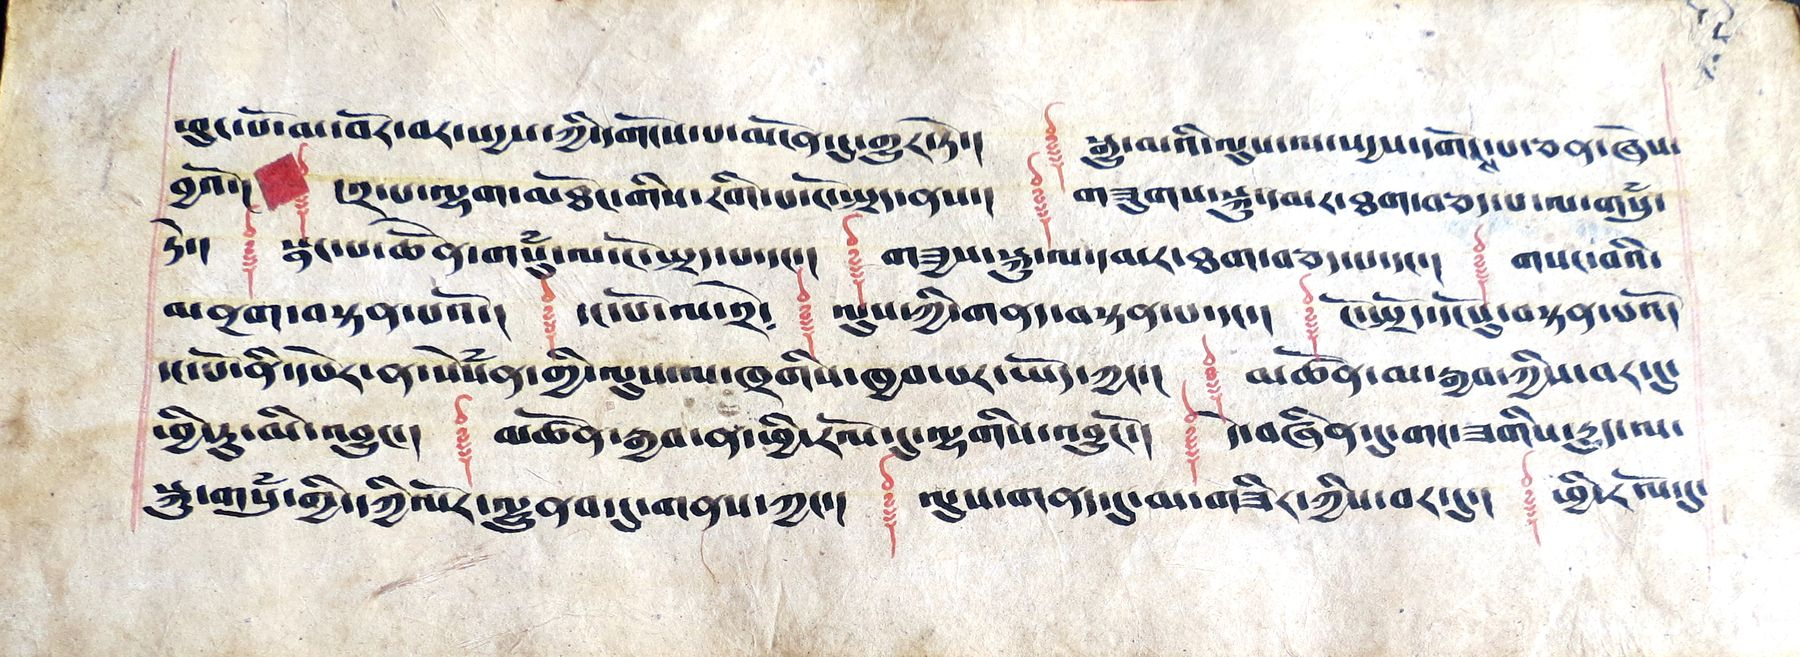ཕུང་པོ་མ་བོར་བར་སངས་རྒྱས་ཀྱི་དགོངས་པ་མངོན་དུ་གྱུར་ཏེ། སྒྱུ་མའི་ལུས་ལ་སངས་རྒྱས་ཀྱི་དགོངས་པ་ཅན་ཞེས་
བྱའོ། །གཉིས་པ་ལྷག་མཐོང་གི་རིག་པ་ངོ་སྤྲད་ནས། །བ༽ གཟུགས་སྐུ་ལ་དམར་ཐག་བཅད་པ་ལ་གསུམ་
སྟེ། སྣང་བ་ཆེན་པོ་གསུམ་ལ་ངོ་སྤྲད་པ་དང་། གཟུགས་སྐུ་ལ་དམར་ཐག་བཅད་པ་དང་། གསང་བའི་
མན་ངག་བསྟན་པའོ། །དང་པོ་ལ་གཉིས་ཏེ། ལུས་ཀྱི་གནད་བསྟན་པ་དང་། ངོ་སྤྲོད་དངོས་སུ་བསྟན་པའོ། །
དང་པོ་ནི་དཔེར་ན། སེམས་ཅན་གྱི་ལུས་ལ་ཁྲག་གིས་ཁྱབ་པར་ཡོད་ཀྱང་། མཚོན་མ་བརྒྱབ་ཀྱི་བར་དུ་
ཕྱི་རུ་མི་འབྱུང་། མཚོན་བརྒྱབ་ན་ཕྱི་རོལ་དུ་ལྷག་གིས་འབྱུང་ངོ་། །དེ་བཞིན་དུ་གང་ཟག་གི་རྒྱུད་ལ་
སྐུ་གསུམ་གྱི་དཀྱིལ་འཁོར་ལྷུན་གྲུབ་ཏུ་གནས་ཀྱང་། ལུས་གནད་དུ་མ་གཟིར་གྱི་བར་དུ་ཕྱི་རོལ་དུ་